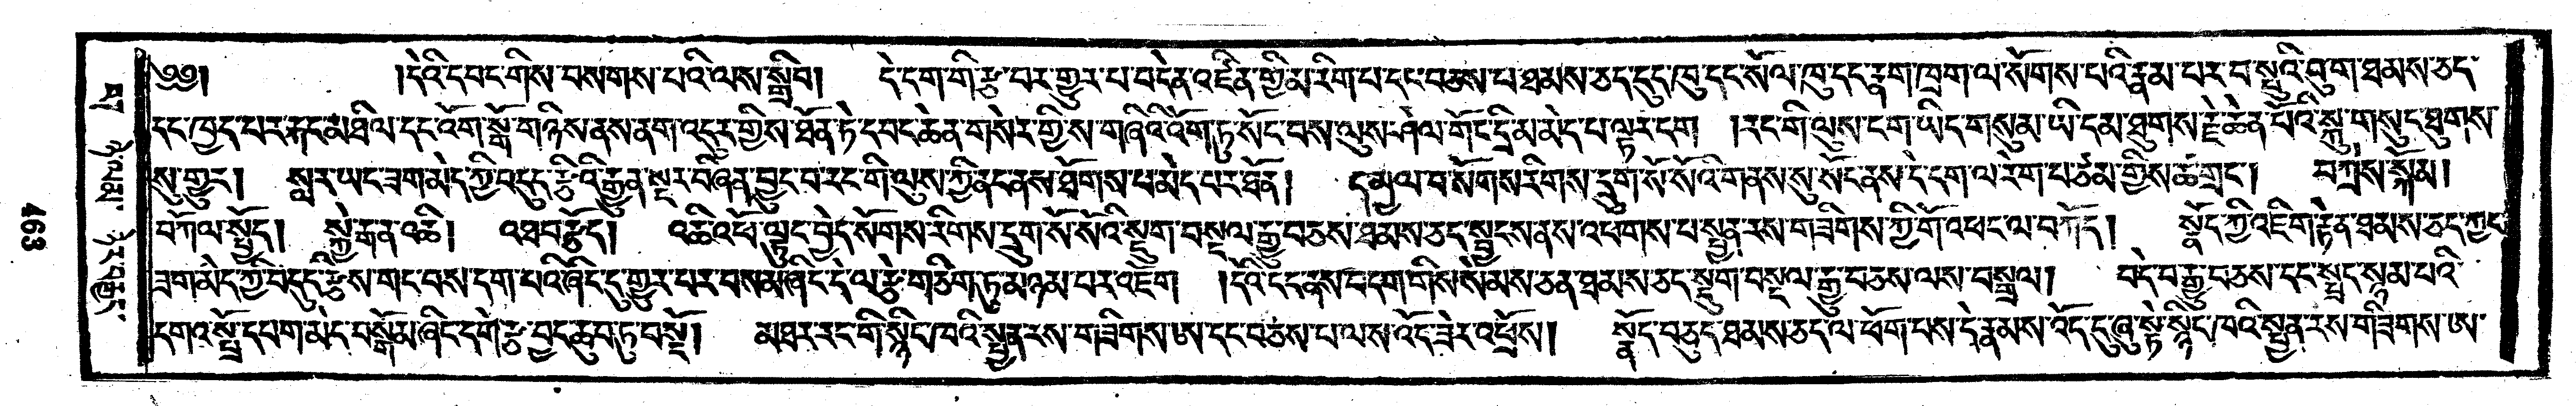༄༅། །དེའི་དབང་གིས་བསགས་པའི་ལས་སྒྲིབ། དེ་དག་གི་རྩ་བར་གྱུར་པ་བདེན་འཛིན་གྱི་མ་རིག་པ་དང་བཅས་པ་ཐམས་ཅད་དུད་ཁུ་དང་སོལ་ཁུ་དང་རང་ཁྲག་ལ་སོགས་པའི་རྣམ་པར་བ་སྤུའི་བུ་ག་ཐམས་ཅད་
དང་ཁྱད་པར་རྐང་མཐིལ་དང་འོག་སྒོ་གཉིས་ནས་ནག་འདུར་གྱིས་ཐོན་ཏེ་དབང་ཆེན་གསེར་གྱིས་གཞིའི་འོག་ཏུ་སོང་བས་ལུས་ཤེལ་གོང་དྲི་མ་མེད་པ་ལྟར་དག །རང་གི་ལུས་ངག་ཡིད་གསུམ་ཡི་དམ་ཐུགས་རྗེ་ཆེན་པོའི་སྐུ་གསུངས་ཐུགས་
སུ་གྱུར། སླར་ཡང་ཟག་མེད་ཀྱི་བདུད་རྩིའི་རྒྱུན་སྔར་བཞིན་བྱུང་བ་རང་གི་ལུས་ཀྱི་ནང་ནས་ཐོགས་པ་མེད་པར་ཐོན། དམྱལ་བ་སོགས་རིགས་དྲུག་སོ་སོའི་གནས་སུ་སོང་ནས་དེ་དག་ལ་རེག་པ་ཙམ་གྱིས་ཚ་གྲང་། བཀྲེས་སྐོམ།
བཀོལ་སྤྱོད། སྐྱེ་རྒ་ན་འཆི། འཐབ་རྩོད། འཆི་འཕོ་ལྟུང་བྱེད་སོགས་རིགས་དྲུག་སོ་སོའི་སྡུག་བསྔལ་རྒྱུ་བཅས་ཐམས་ཅད་སྦྱངས་ནས་འཕགས་པ་སྤྱན་རས་གཟིགས་ཀྱི་གོ་འཕང་ལ་བཀོད། སྣོད་ཀྱི་འཇིག་རྟེན་ཐམས་ཅད་ཀྱང་
ཟག་མེད་ཀྱི་བདུད་རྩིས་གང་བས་དག་པའི་ཞིང་དུ་གྱུར་པར་བསམ་ཞིང་དེ་ལ་རྩེ་གཅིག་ཏུ་མཉམ་པར་འཇོག །དེའི་ངང་ནས་བདག་གིས་སེམས་ཅན་ཐམས་ཅད་སྡུག་བསྔལ་རྒྱུ་བཅས་ལས་བསྒྲལ། བདེ་བ་རྒྱུ་བཅས་དང་སྦྲད་སྙམ་པའི་
དགའ་སྦྲོ་དཔག་མེད་བསྒོམ་ཞིང་དགེ་རྩ་བྱང་ཆུབ་ཏུ་བསྔོ། མཐར་རང་གི་སྙིང་ཁའི་སྦྱན་རས་གཟིགས་ཨ་དང་བཅས་པ་ལས་འོད་ཟེར་འཕྲོས། སྣོད་བཅུད་ཐམས་ཅད་ལ་ཕོག་པས་དེ་རྣམས་འོད་དུ་ཞུ་སྟེ་སྙིང་ཁའི་སྤྱན་རས་གཟིགས་ཨ་